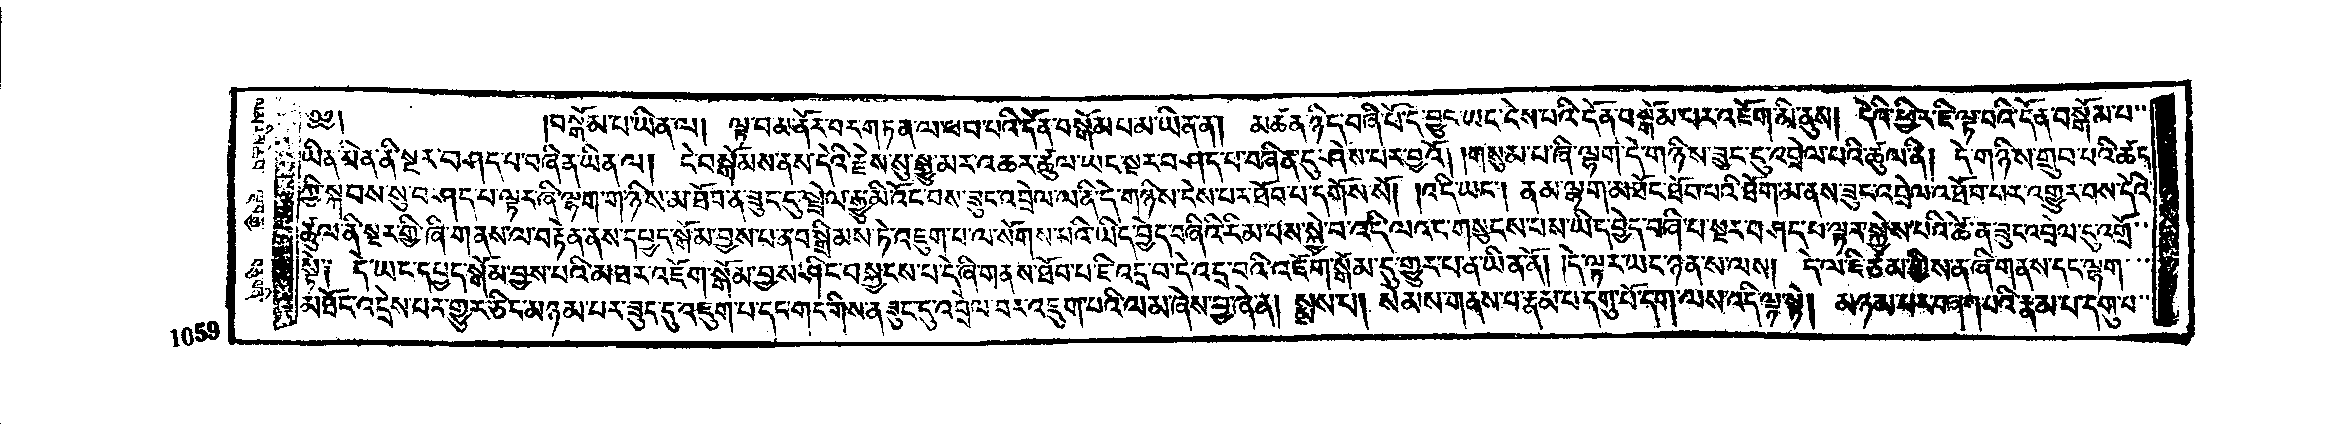༄༅། །བསྒོམ་པ་ཡིན་ལ། ལྟ་བ་མ་ནོར་བར་གཏན་ལ་ཕབ་པའི་དོན་བསྒོམ་པ་མ་ཡིན་ན། མཚན་ཉིད་བཞི་པོ་དེ་བྱུང་ཡང་ངེས་པའི་དོན་བསྒོམ་པར་འཇོག་མི་ནུས། དེའི་ཕྱིར་ཇི་ལྟ་བའི་དོན་བསྒོམ་པ་
ཡིན་མིན་ནི་སྔར་བཤད་པ་བཞིན་ཡིན་ལ། དེ་བསྒོམས་ནས་དེའི་རྗེས་སུ་སྒྱུ་མར་འཚར་ཚུལ་ཡང་སྔར་བཤད་པ་བཞིན་དུ་ཤེས་པར་བྱའོ། །གསུམ་པ་ཞི་ལྷག་དེ་གཉིས་ཟུང་དུ་འབྲེལ་བའི་ཚུལ་ནི། དེ་གཉིས་གྲུབ་པའི་ཚད་
ཀྱི་སྐབས་སུ་བཤད་པ་ལྟར་ཞི་ལྷག་གཉིས་མ་ཐོབ་ན་ཟུང་དུ་སྦྲེལ་རྒྱུ་མི་འོང་བས་ཟུང་འབྲེལ་ལ་ནི་དེ་གཉིས་ངེས་པར་ཐོབ་པ་དགོས་སོ། །འདི་ཡང་། ནམ་ལྷག་མཐོང་ཐོབ་པའི་ཐོག་མ་ནས་ཟུང་འབྲེལ་འཐོབ་པར་འགྱུར་བས་དེའི་
ཚུལ་ནི་སྔར་གྱི་ཞི་གནས་ལ་བརྟེན་ནས་དཔྱད་སྒོམ་བྱས་པ་ན་བསྒྲིམས་ཏེ་འཇུག་པ་ལ་སོགས་པའི་ཡིད་བྱེད་བཞིའི་རིམ་པས་སྐྱེ་བ་འདི་ལའང་གསུངས་པས་ཡིད་བྱེད་བཞི་པ་སྔར་བཤད་པ་ལྟར་སྐྱེས་པའི་ཚེ་ན་ཟུང་འབྲེལ་དུ་འགྲོ་
སྟེ༑ དེ་ཡང་དཔྱད་སྒོམ་བྱས་པའི་མཐར་འཇོག་སྒོམ་བྱས་ཤིང་བསྐྱངས་པ་དེ་ཞི་གནས་ཐོབ་པ་ཇི་འདྲ་བ་དེ་འདྲ་བའི་འཇོག་སྒོམ་དུ་གྱུར་པ་ན་ཡིན་ནོ། །དེ་ལྟར་ཡང་ཉན་ས་ལས། དེ་ལ་ཇི་ཙམ་གྱིས་ན་ཞི་གནས་དང་ལྷག་
མཐོང་འདྲེས་པར་གྱུར་ཅིང་མཉམ་པར་ཟུང་དུ་འཇུག་པ་དང་གང་གིས་ན་ཟུང་དུ་འབྲེལ་བར་འཇུག་པའི་ལམ་ཞེས་བྱ་ཞེ་ན། སྨྲས་པ། སོམས་གནས་པ་རྣམ་པ་དགུ་པོ་དག་ལས་འདི་ལྟ་སྟེ། མཉམ་པར་བཞག་པའི་རྣམ་པ་དགུ་པ་